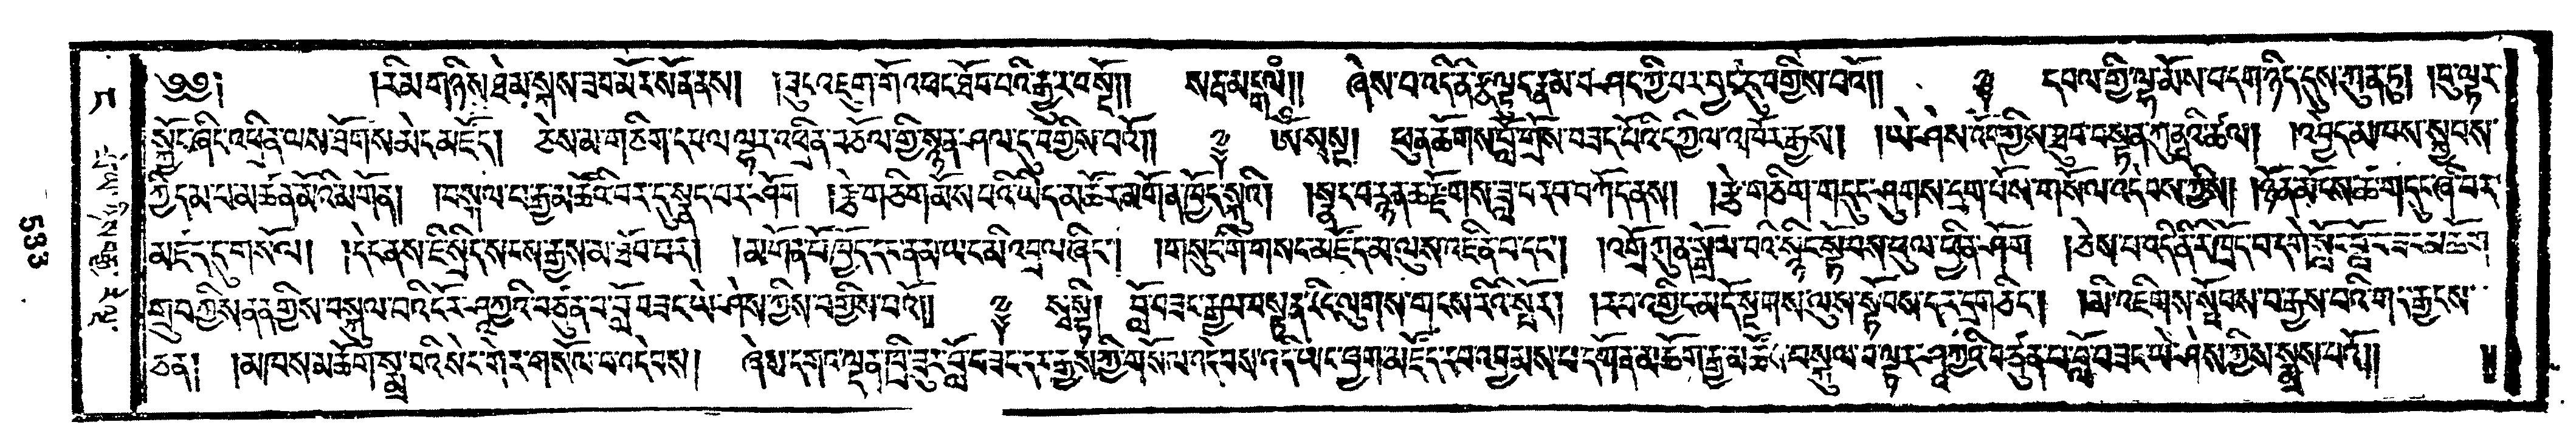༄༅། །རིམ་གཉིས་ཐེམ་སྐས་ཟབ་མོར་སོན་ནས། །ཟུང་འཇུག་གོ་འཕང་ཐོབ་པའི་རྒྱུ་ར་བསྔོ།། སརྦ་མངྒ་ལཾ།། ཞེས་པ་འདི་ནི་རྩ་ལྟུང་རྣམ་བཤད་ཀྱི་པར་བྱང་དུ་བགྱིས་བའོ།། ༈ དབལ་གྱི་ལྷ་མོས་བདག་ཉིད་དུས་ཀུན་ཏུ། །བུ་ལྟར་
སྐྱོང་ཞིང་འཕྲིན་ལས་ཐོགས་མེད་མཛོད། ཅེས་མ་གཅིག་དཔལ་ལྷར་འཕྲིན་བཅོལ་གྱི་སྙན་ཤལ་དུ་བགྱིས་བའོ།། ༈ ཨོཾ་སྭསྟ། ཕུན་ཚོགས་བློ་གྲོས་བཟང་པོའི་དཀྱིལ་འཁོར་རྒྱས། །ཡེ་ཤེས་འོད་ཀྱིས་ཐུབ་བསྟན་ཀུནྡའི་ཚལ། །འབྱེད་མཁས་སྐྱབས་
ཀྱི་དམ་པ་མཚན་མོའི་མགོན། །བསྐལ་པ་རྒྱ་མཚོའི་བར་དུ་སྣང་བར་ཤོག །རྩེ་གཅིག་མོས་པའི་ཡིད་མཚོར་མགོན་ཁྱོད་སྐུའི། །སྣང་བརྙན་ཆ་རྫོགས་ཟླ་བ་རབ་བཀོད་ནས། །རྩེ་གཅིག་གདུང་ཤུགས་དྲག་པོས་གསོལ་འདེབས་ཀྱིས། །ཉོན་མོངས་ཚ་གདུང་ཞི་བར་
མཛད་དུ་གསོལ། །དེང་ནས་ཇི་སྲིད་སངས་རྒྱས་མ་ཐོབ་བར། །མགོན་པོ་ཁྱོད་དང་ནམ་ཡང་མི་འབྲལ་ཞིང་། །གསུང་གི་གསང་མཛོད་མ་ལུས་འཛིན་བ་དང་། །འགྲོ་ཀུན་སྒྲོལ་བའི་སྙིང་སྟོབས་ཕུལ་ཕྱིན་ཤོག །ཅེས་པ་འདི་ནི་རི་ཁྲོད་བ་དགེ་སློང་བློ་བཟང་མཆོག་
གྲུབ་ཀྱིས་ནན་གྱིས་བསྐུལ་བའི་ངོར་ཤཱཀྱའི་བཙུན་པ་བློ་བཟང་ཡེ་ཤེས་ཀྱིས་བགྱིས་པའོ།། ༈ སྭསྟི། བློ་བཟང་རྒྱལ་བསྟན་རིང་ལུགས་གངས་རིའི་སྤོར། །རབ་འགྱིང་མདོ་སྔགས་ལུས་སྟོབས་དར་དྲག་ཅིང་། །མི་འཇིགས་སྤོབས་བ་རྒྱས་བའི་གང་རྒྱངས་
ཅན། །མཁས་མཆོག་སྨྲ་བའི་སེང་གེར་གསོལ་བ་འདེབས། ཞེས་དགའ་ལྡན་ཁྲི་ཟུར་བློ་བཟང་དར་རྒྱས་ཀྱི་གསོལ་འདེབས་འདི་ཡང་ཕྱག་མཛོད་རབ་འབྱམས་པ་དཀོན་མཆོག་རྒྱ་མཚོས་བསྐུལ་བ་ལྟར་ཤཱཀྱའི་བཙུན་པ་བློ་བཟང་ཡེ་ཤེས་ཀྱིས་སྨྲས་པའོ།། །།